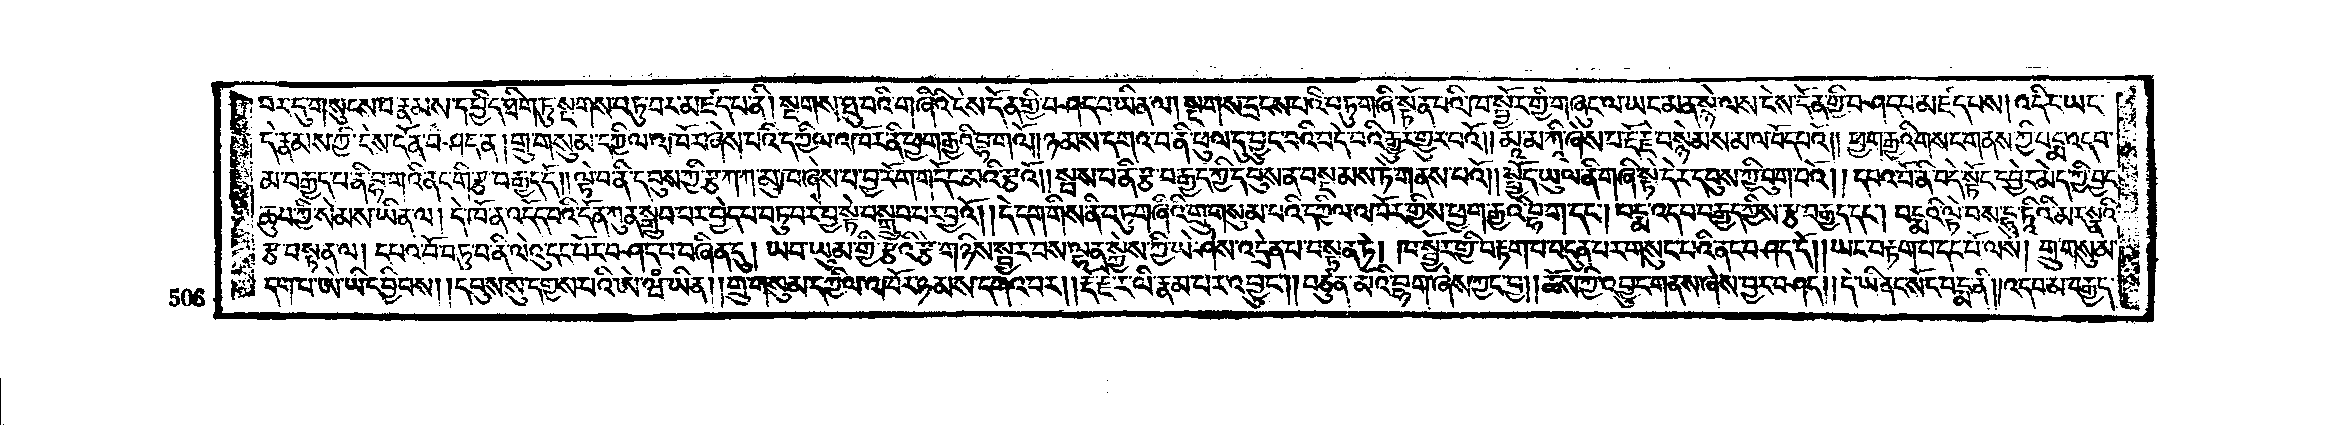བར་དུ་གསུངས་པ་རྣམས་དཔྱིད་ཐིག་ཏུ་སྔགས་བཏུ་བར་མཛད་པ་ནི། སྔགས་ཐུ་བའི་གཞིའི་ངེས་དོན་གྱི་བཤད་པ་ཡིན་ལ། སྔགས་དྲངས་པའི་བཏུ་གཞི་སྟོན་པའི་ཁ་སྦྱོར་གྱི་གཞུང་ལ་ཡང་མན་སྙེ་ལས་ངེས་དོན་གྱི་བཤད་པ་མཛད་པས། འདིར་ཡང་
དེ་རྣམས་ཀྱི་ངེས་དོན་བཤད་ན། གྲུ་གསུམ་དཀྱིལ་འཁོར་ཞེས་པའི་དཀྱིལ་འཁོར་ནི་ཕྱག་རྒྱའི་བྷ་གའོ། །ཉམས་དགའ་བ་ནི་ཕུལ་དུ་བྱུང་བའི་བདེ་བའི་རྒྱུར་གྱུར་བའོ། །མཱ་མ་ཀཱི་ཞེས་པ་རྡོ་རྗེ་བསྙེམས་མ་ལ་བོད་པའོ། །ཕྱག་རྒྱའི་གསང་གནས་ཀྱི་པདམ་འདབ་
མ་བརྒྱད་པ་ནི་བྷ་གའི་ནང་གི་རྩ་བརྒྱད་དེ། །ལྟེ་བ་ནི་དབུས་ཀྱི་རྩ་ཀ་ཀ་མུ་ཁ་ཞེས་པ་བྱ་རོག་གདོང་མའི་རྩའོ། །སྦས་པ་ནི་རྩ་བརྒྱད་ཀྱི་དབུས་ན་བསྡམས་ཏེ་གནས་པའོ། །སྤྱོད་ཡུལ་ནི་གཞི་སྟེ་དེར་དབུས་ཀྱི་བུག་པའོ། །དཔའ་བོ་ནི་བདེ་སྟོང་དབྱེར་མེད་ཀྱི་བྱང་
ཆུབ་ཀྱི་སེམས་ཡིན་ལ། དེ་ཁོ་ན་འདོད་པའི་དོན་ཀུན་སྒྲུབ་པར་བྱེད་པ་བཏུ་བར་བྱ་སྟེ་བསྒྲུབ་པར་བྱའོ། །དེ་དག་གིས་ནི་བཏུ་གཞིའི་གྲུ་གསུམ་པའི་དཀྱིལ་འཁོར་གྱིས་ཕྱག་རྒྱའི་བྷ་ག་དང་། པདམ་འདབ་བརྒྱད་ཀྱིས་རྩ་བརྒྱད་དང་། པདམའི་ལྟེ་བས་དྷཱུ་ཏཱིའི་མར་སྣའི་
རྩ་བསྟན་ལ། དཔའ་བོ་བཏུ་བ་ནི་ལེའུ་དང་པོར་བཤད་པ་བཞིན་དུ། ཡབ་ཡུམ་གྱི་རྩའི་རྩེ་གཉིས་སྦྱར་བས་ལྷན་སྐྱེས་ཀྱི་ཡེ་ཤེས་འདྲེན་པ་བསྟན་ཏེ། ཁ་སྦྱོར་གྱི་བརྟག་པ་བདུན་པར་གསུང་པའི་ནང་བཤད་དོ། །ཡང་བརྟག་པ་དང་པོ་ལས། གྲུ་གསུམ་
དག་པ་ཨེ་ཡི་དབྱིབས། །དབུས་སུ་དགྱེས་པའི་ཨེ་ཝཾ་ཡིན། །གྲུ་གསུམ་དཀྱིལ་འཁོར་ཉམས་དགའ་བར། །རྡོ་རྗེ་ར་ལི་རྣམ་པར་འབྱུང་། །བཙུན་མོའི་བྷ་ག་ཞེས་ཀྱང་བྱ། །ཆོས་ཀྱི་འབྱུང་གནས་ཞེས་བྱར་བཤད། །དེ་ཡི་ནང་སོང་པདམ་ནི། །འདབ་མ་བརྒྱད་